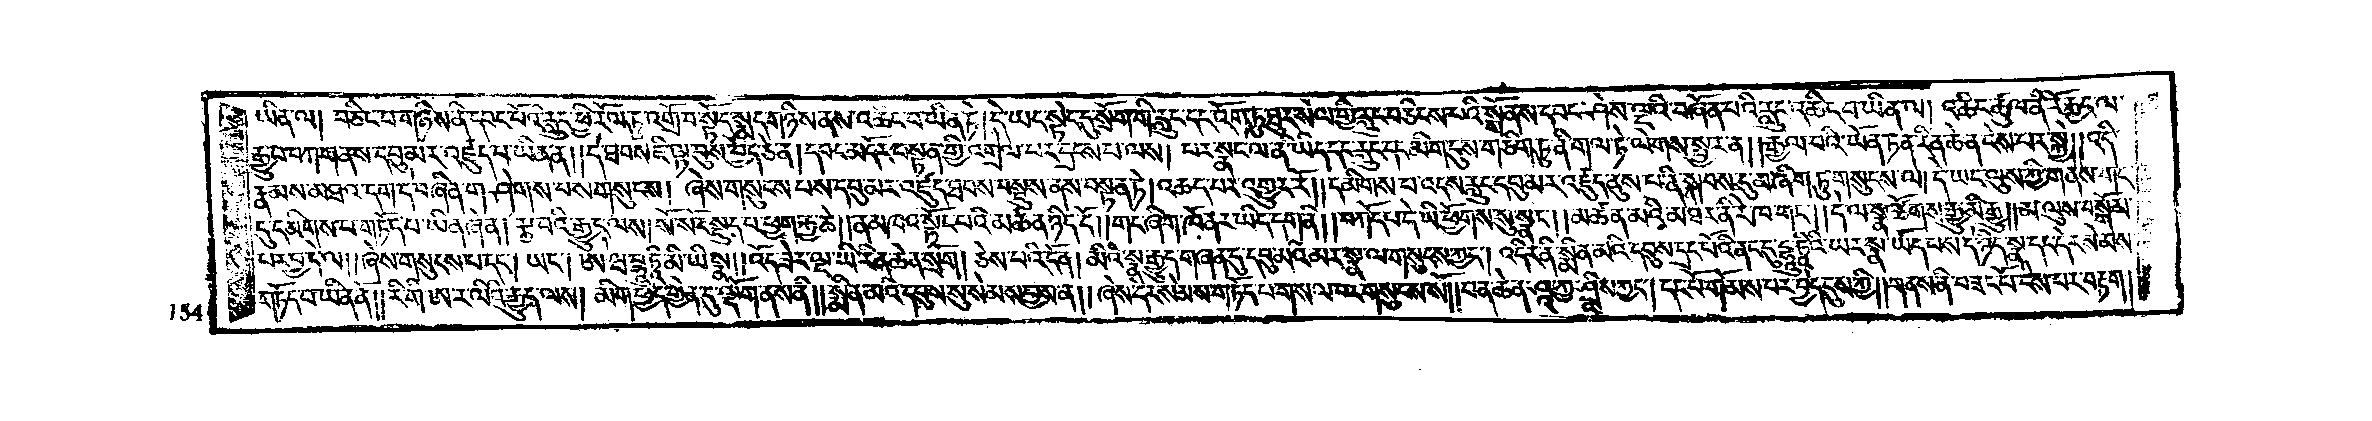ཡིན་ལ། བཅིང་པ་གཉིས་ནི་དབང་པོའི་རླུང་ཕྱི་རོལ་ཏུ་འགྲོ་བ་སྟོད་སྨད་གཉིས་ནས་འཆིང་པ་ཡིན་ཏེ། དེ་ཡང་སྟེང་དུ་སྲོག་གི་རླུང་དང་འོག་ཏུ་ཐུར་སེལ་གྱི་རླུང་བཅིངས་པའི་སྒོ་ནས་དབང་ཤེས་ལྔའི་བཞིན་པའི་རླུང་འཆིང་པ་ཡིན་ལ། འཆིང་ཚུལ་ནི་རོ་རྒྱད་ལ་
རྒྱུ་བ་བཀག་ནས་དབུ་མར་འཛུད་པ་ཡིན་ན། །དེ་ཐབས་ཇི་ལྟ་བུས་བྱེད་ཅེ་ན། དབང་མདོར་བསྟན་གྱི་འགྲེལ་པར་དྲངས་པ་ལས། པར་སྣང་ལ་ནི་ཡིད་དང་རླུང་དང་མིག་དུས་གཅིག་ཏུ་ནི་གལ་ཏེ་ལེགས་སྦྱར་ན། །རྒྱལ་བའི་ཡོན་ཏན་རིན་ཆེན་ངེས་པར་སྐྱེ། །འདི་
རྣམས་མཐའ་དག་དེ་བཞིན་གཤེགས་པས་གསུངས། ཞེས་གསུངས་པས་དབུ་མར་འཛུད་ཐབས་བསྡུས་ནས་བསྟན་ཏེ། འཆད་པར་འགྱུར་རོ། །དམིགས་པ་འདས་རླུང་དབུ་མར་འཛུད་ནུས་པ་ནི་སྐབས་དུ་མ་ཞིག་ཏུ་གསུངས་ལ། དེ་ཡང་ལུས་ཀྱི་གནས་གང་
དུ་དམིགས་པ་གཏོད་པ་ཡིན་ཞེ་ན། རྩ་བའི་རྒྱུད་ལས། སོ་སོར་སྡུད་པ་ཕྱག་རྒྱ་ཆེ། །ནམ་མཁའ་སྟོང་པའི་མཚན་ཉིད་དོ། །གང་ཞིག་ཁོ་ནར་ཡིད་དག་ནི། །བཀོད་པ་དེ་ཡི་ཕྱོགས་སུ་སྣང་། །མཚན་མའི་མཐར་ནི་རེ་ཁ་གང་། །དེ་ལ་སྣ་ཚོགས་རྒྱུ་མི་རྒྱུ། །མ་ལུས་བསྒོམ་
པར་བྱ་དེ་ལ། །ཞེས་གསུངས་པ་དང་། ཡང་། ཨ་ཝ་བྷཱུ་ཏཱི་མི་ཡི་སྣ། །འོད་ཟེར་ལྔ་ཡི་རིན་ཆེན་སྲོག །ཅེས་པའི་དོན། མིའི་སྣ་རྒྱུད་གཞན་དུ་དབུ་མའི་མར་སྣ་ལ་གསུངས་ཀྱང་། འདིར་ནི་སྨིན་མའི་དབུས་དྲང་པོའི་ནང་དུ་དྷཱུ་ཏཱིའི་ཡར་སྣ་ཡོད་པས་དེ་ཉིད་སྣ་དང་དེར་སེམས་
གཏོད་པ་ཡིན་ནོ། །རི་གི་ཨ་ར་ལིའི་རྒྱུད་ལས། མིག་ཕྱེད་གྱེན་དུ་ལྡོག་ནས་ནི། །སྨིན་མའི་དབུས་སུ་སེམས་བྱས་ན། །ཞེས་དེར་སེམས་གཏོད་པ་གསལ་བར་གསུངས་སོ། །པན?་ཆེན་ཤཱཀྱ་ཤྲཱིས་ཀྱང་། དང་པོ་གོམས་པར་བྱེད་དུས་ཀྱི། །གནས་ནི་བཟང་པོ་ངེས་པར་བརྟག །